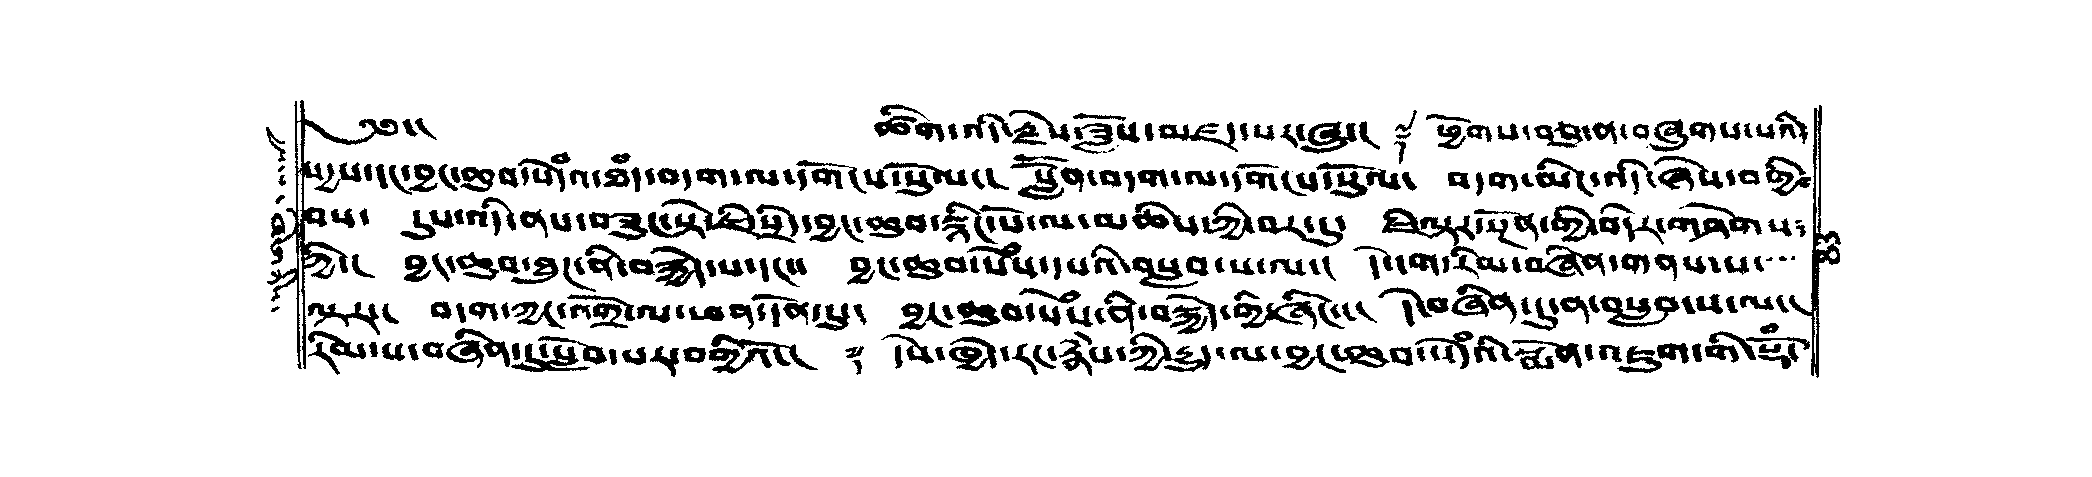ཚིག་འདི་རྗེས་ཟློས་མཛད་པར་ཞུ། ༈ ཕྱོགས་བཅུ་ན་བཞུགས་པའི་
སངས་རྒྱས་དང་བྱང་ཆུབ་སེམས་དཔའ་ཐམས་ཅད་བདག་ལ་དགོངས་སུ་གསོལ། སློབ་དཔོན་བདག་ལ་དགོངས་སུ་གསོལ། བདག་མིང་འདི་ཞེས་བགྱི་
བས། དུས་འདི་ནས་བཟུང་སྟེ་ཇི་སྲིད་བྱང་ཆུབ་སྙིང་པོ་ལ་མཆིས་ཀྱི་བར་དུ། ཇི་ལྟར་སྔོན་གྱི་བདེ་གཤེགས་
ཀྱི། བྱང་ཆུབ་ཐུགས་ནི་བསྐྱེད་པ་དང་། བྱང་ཆུབ་སེམས་དཔའི་བསླབ་པ་ལ། དེ་དག་རིམ་བཞིན་གནས་པ་
ལྟར། བདག་ཀྱང་འགྲོ་ལ་ཕན་དོན་དུ། བྱང་ཆུབ་སེམས་ནི་བསྐྱེད་གྱི་ཞིང་། དེ་བཞིན་དུ་ན་བསླབ་པ་ལ། 
རིམ་པ་བཞིན་དུ་སློབ་པར་བགྱིའོ། ༈ དེས་ཁྱེད་རང་རྣམས་ཀྱི་རྒྱུད་ལ་བྱང་ཆུབ་སེམས་དཔའི་སྨོན་འཇུག་ཏི་སྡོམ་